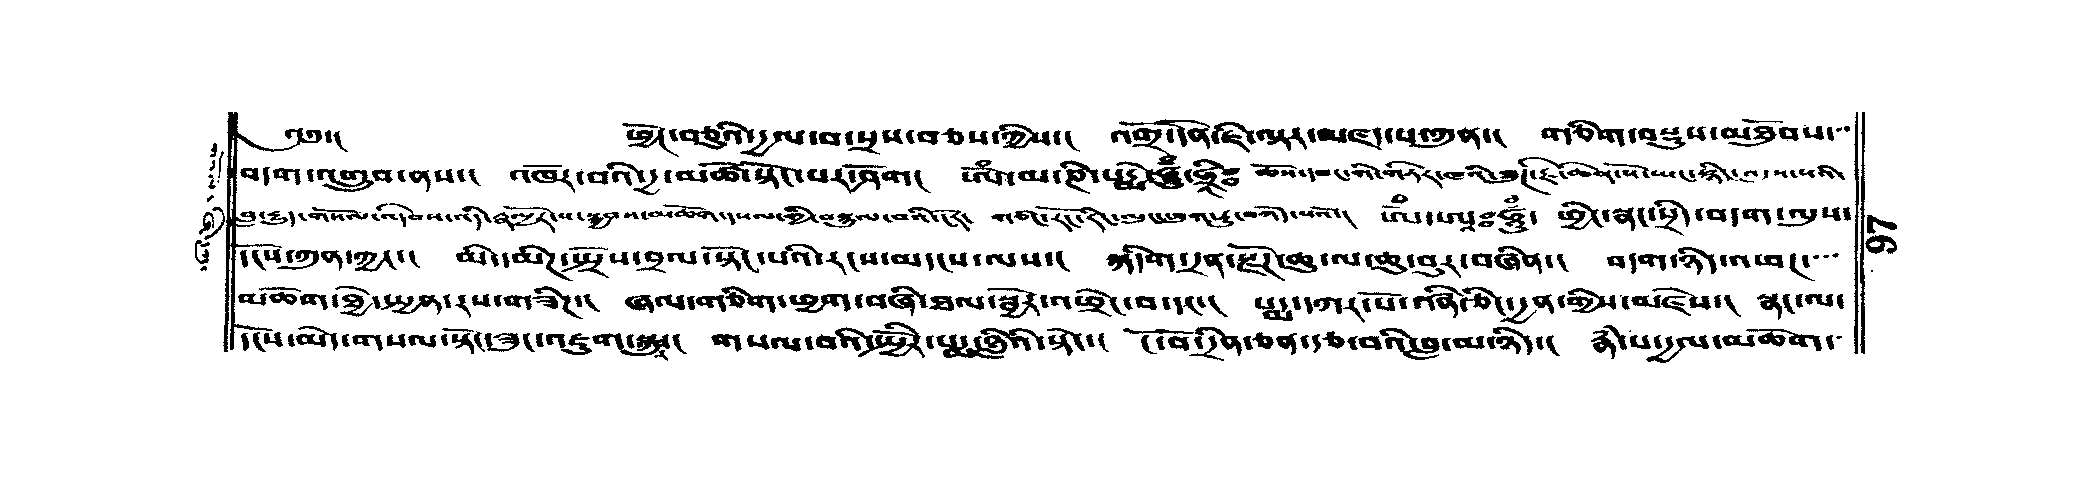ཕྱོགས་བཅུའི་རྒྱལ་བ་སྲས་བཅས་ཀྱིས། །འགྲོ་དོན་ཇི་ལྟར་མཛད་པ་ཀུན། །གཅིག་བསྡུས་མཐུ་སྟོབས་
བདག་འགྲུབ་ནས། །འཁོར་བའི་རྒྱ་མཚོ་སྟོངས་པར་ཤོག ཨོཾ་མ་ཎི་པདྨེ་ཧཱུྃ་ཧྲཱིཿ ཆོས་དབང་གི་གཏེར་ཁའི་ཐུགས་རྗེ་ཆེན་པོ་ཡང་སྙིང་འདུས་པའི་
བླ་རྒྱུད་གསོལ་འདེབས་འདི་རྣལ་འབྱོར་པ་སྐྱབས་མཆོག་དཔལ་གྱི་བསྐུལ་བའི་ངོར། གཙང་རོང་རིང་ལུང་ཕུག་ཏུ་བཀོད་པའོ།། ཨོཾ་ཨཱཿཧཱུྃ། ཕྱི་ནང་སྣང་སྲིད་བདག་ལུས་
དངོས་ཀུན་ཀྱང་། །མི་དམིགས་སྤྲོས་བྲལ་སྟོང་པའི་རངས་མདངས་ལས། །སྐད་ཅིག་དྲན་རྫོགས་ཆུ་ལ་ཆུ་བུར་བཞིན། །བདག་ཉིད་འཕགས་
མཆོག་ཐུགས་རྗེ་སྤྱན་རས་གཟིགས། །ཞལ་གཅིག་ཕྱག་བཞི་ཐལ་སྦྱར་འཕྲེང་བ་དང་། །པདྨ་དཀར་པོ་འཛིན་ཅིང་རྒྱན་གྱིས་མཛེས། །སྣང་ལ་
དངོས་མེད་གསལ་སྟོང་ཟུང་འཇུག་སྐུར། །གསལ་བའི་སྤྱི་བོར་པདྨ་ཉི་ཟླའི་སྟེང་། །ངོ་བོ་དྲིན་ཅན་རྩ་བའི་བླ་མ་ཉིད། །རྣམ་པ་རྒྱལ་མཆོག་